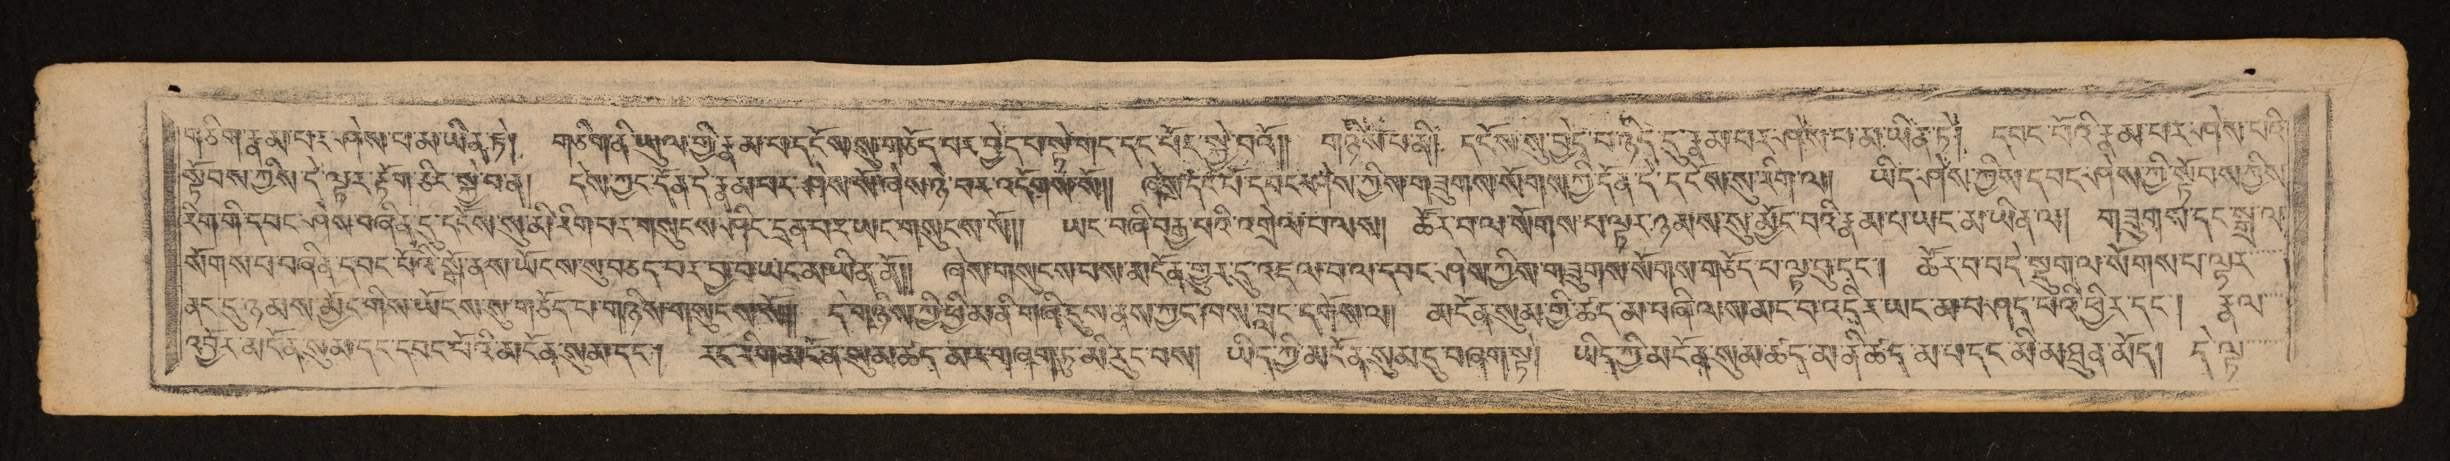གཅིག་རྣམ་པར་ཤེས་པ་མ་ཡིན་ཏེ། གཅིག་ནི་ཡུལ་གྱི་རྣམ་པ་དངོས་སུ་གཅོད་པར་བྱེད་པ་སྟེ་གང་དང་པོར་སྐྱེ་བའོ།། གཉིས་པ་ནི། དངོས་སུ་བྱེད་པ་ཉིད་དུ་རྣམ་པར་ཤེས་པ་མ་ཡིན་ཏེ། དབང་པོའི་རྣམ་པར་ཤེས་པའི་
སྟོབས་ཀྱིས་དེ་ལྟར་རྟོག་ཅིང་སྐྱེ་བ་ན། དེས་ཀྱང་དོན་དེ་རྣམ་པར་ཤེས་སོ་ཞེས་ཉེ་བར་འདོགས་སོ།། ཞེས་དང་པོ་དབང་ཤེས་ཀྱིས་གཟུགས་སོགས་ཀྱི་དོན་དེ་དངོས་སུ་རིག་ལ། ཡིད་ཤེས་ཀྱིས་དབང་ཤེས་ཀྱི་སྟོབས་ཀྱིས་
རིག་གི་དབང་ཤེས་བཞིན་དུ་དངོས་སུ་མི་རིག་པར་གསུངས་ཤིང་དྲན་པར་ཡང་གསུངས་སོ།། ཡང་བཞི་བརྒྱ་པའི་འགྲེལ་པ་ལས། ཚོར་བ་ལ་སོགས་པ་ལྟར་ཉམས་སུ་མྱོང་བའི་རྣམ་པ་ཡང་མ་ཡིན་ལ། གཟུགས་དང་སྒྲ་ལ་
སོགས་པ་བཞིན་དབང་པོའི་སྒོ་ནས་ཡོངས་སུ་བཅད་པར་བྱ་བ་ཡང་མ་ཡིན་ནོ།། ཞེས་གསུངས་པས་མངོན་གྱུར་དུ་འཇལ་བ་ལ་དབང་ཤེས་ཀྱིས་གཟུགས་སོགས་གཅོད་པ་ལྟ་བུ་དང་། ཚོར་བ་བདེ་སྡུག་ལ་སོགས་པ་ལྟར་
ནང་དུ་ཉམས་མྱོང་གིས་ཡོངས་སུ་གཅོད་པ་གཉིས་གསུངས་སོ།། དེ་གཉིས་ཀྱི་ཕྱི་མ་ནི་གཞི་དུས་ནས་ཀྱང་ཁས་བླང་དགོས་ལ། མངོན་སུམ་གྱི་ཚད་མ་བཞི་ལས་མང་བ་འདིར་ཡང་མ་བཤད་པའི་ཕྱིར་དང་། རྣལ་
འབྱོར་མངོན་སུམ་དང་དབང་པོའི་མངོན་སུམ་དང་། རང་རིག་མངོན་སུམ་ཚད་མར་གཞག་ཏུ་མི་རུང་བས། ཡིད་ཀྱི་མངོན་སུམ་དུ་བཞག་སྟེ། ཡིད་ཀྱི་མངོན་སུམ་ཚད་མ་ནི་ཚད་མ་པ་དང་མི་མཐུན་མོད།། དེ་ལྟ་